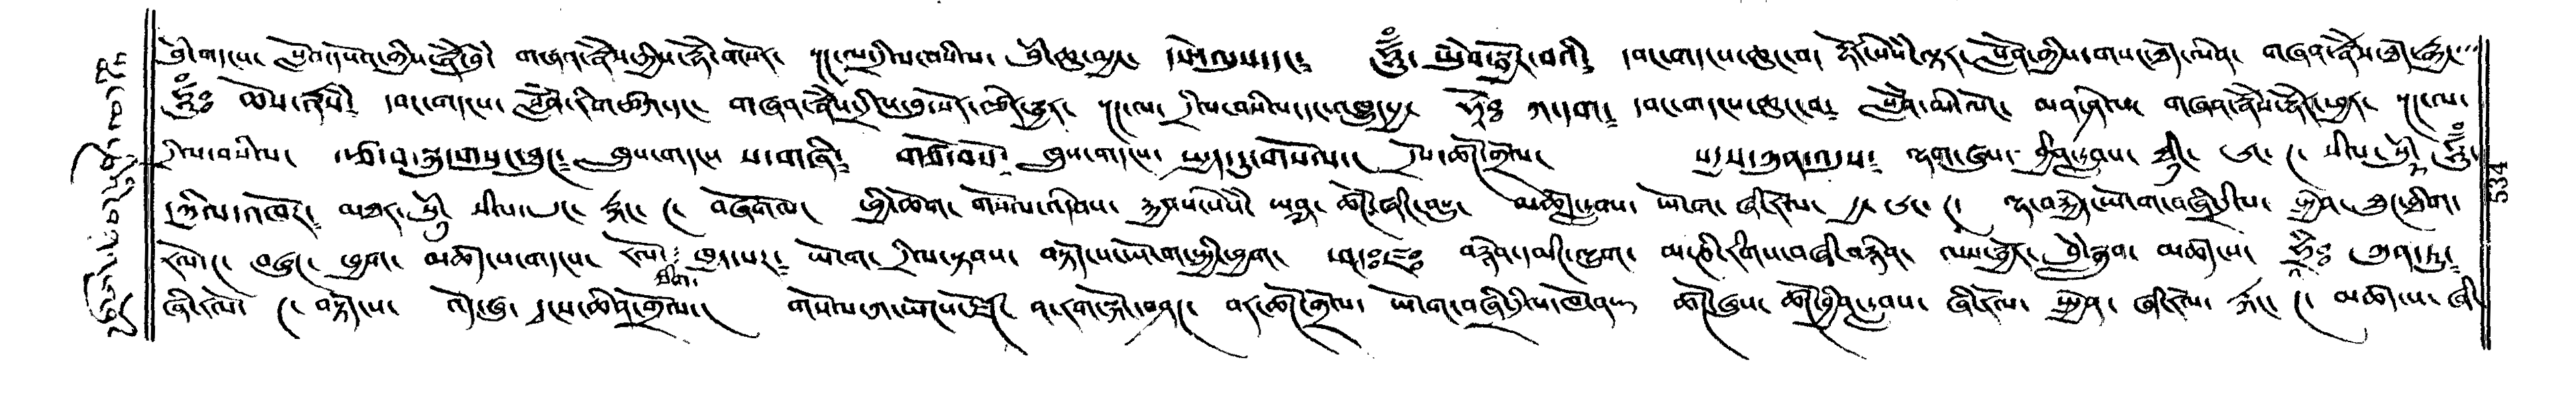བུམ་གདངས། སློབ་དཔོན་གྱིས་རྣམ་བུམ། གཞན་རྣམས་ཀྱིས་རྡོ་རྗེ་གསོར། སྔགས་ལ་དྲིལ་བསིལ། བུམ་ཆུ་མྱང་། དཔེ་ལུས་དང༴ ཧཱུྃཿ ཡབ་ཡུམ་སྦྱོར་བའི༴ དབང་གདངས་ཆུང་བ། རྡོར་སེམས་ལྟར། སློབ་དཔོན་གྱིས་གསང་ཐོད་ལེན། གཞན་རྣམས་ཐོད་རྒྱང་། 
ཧཱུྃཿ ཆོས་རྣམ༴ དབང་གདངས། སློབ་དཔོན་རིག་ཙཀ་དང་། གཞན་རྣམས་དྲིལ་བུར་སོར་རྩེར་སྦྱར། སྔགས་ལ། དྲིལ་བསིལ་དང་འཁྱུད་རྒྱ། ཧོཿ ཀ་དག༴ དབང་གདངས་ཆུང་བ། སློབ་དཔོན་མེ་ལོང་། མན་ཤེལ། གཞན་རྣམས་རྡོ་རྗེར་ཕྱར། སྔགས་ལ་
དྲིལ་བསིལ། རྩ་བ་སྐུ་གསུང་ཐུགས༴ ཁྲུས་གདངས། ས་གཞི༴ གཙོ་བོས༴ ཁྲུས་གདངས། སྤྱད་དུ་གསོལ། དྲོས་ཚོགས་གྲོལ། སངས་རྒྱས་ཀུན་འདུས༴ ལྷག་ཞུས། བྱིན་རླབས། ཐིང་གཅིག དུང་། ཌཱ། སིལ། སུམ་གཉིས། ཧཱུྃཿ 
དཀྱིལ་འཁོར༴ མཐར་སུམ་གཅིག སིལ། དུང་། རྐང་། ཌཱ། བཞག་རོལ། ཕྱི་ཆོག གསོལ་འདེབས། སྐྱབས་སེམས། ཡན་ལག་བདུན་པ། ཚོགས་ཞིང་བསྡུ། མཆོད་རླབས། ཡོ་ག ཞི་རོལ། རྒྱ། དུང་། ཌཱ། ལྷ་བསྐྱེད་ཡོ་ག་བཞི་དྲིལ། སྤྱན་འདྲེན། ཐུགས་ཐིག་
རོལ། བཞུགས་ཕྱག མཆོད་པ་གདངས། རོལ་ཅིག༴ ཁྱད་པར༴ ཡོ་ག དྲིལ་སྟབས། བསྟོད་པ་ཡོ་ག་སྤྱི་ཕྱག ཕཊཿཛཿ བསྙེན་དམིགས་ལྷུག མ་ཎི་རིགས་བཞི་བསྙེན། ལས་སྦྱོར། བུམ་སྒྲུབ། མཆོད་པ། ཧྲཱིཿ ཀུན་ཏུ༴ 
ཞི་རོལ། ཌཱ། བསྟོད་པ། འོད་ཞུ། དྭངས་ཆེན་གྲོལ། གསོལ་ཀ་ཡོངས་རྫོགས། ན་རག་སྐོང་བཤགས། བར་ཚོགས་གྲོལ། ཡོ་ག་བཞི་དྲིལ་ཁོ་ནས། ཚོགས་ཞུས། ཚོགས་བྱིན་རླབས།ཞི་རོལ། སྤྱན་འདྲེན། ཞི་རོལ། རྐང་། ཌཱ། མཆོད་པ་ཞི་